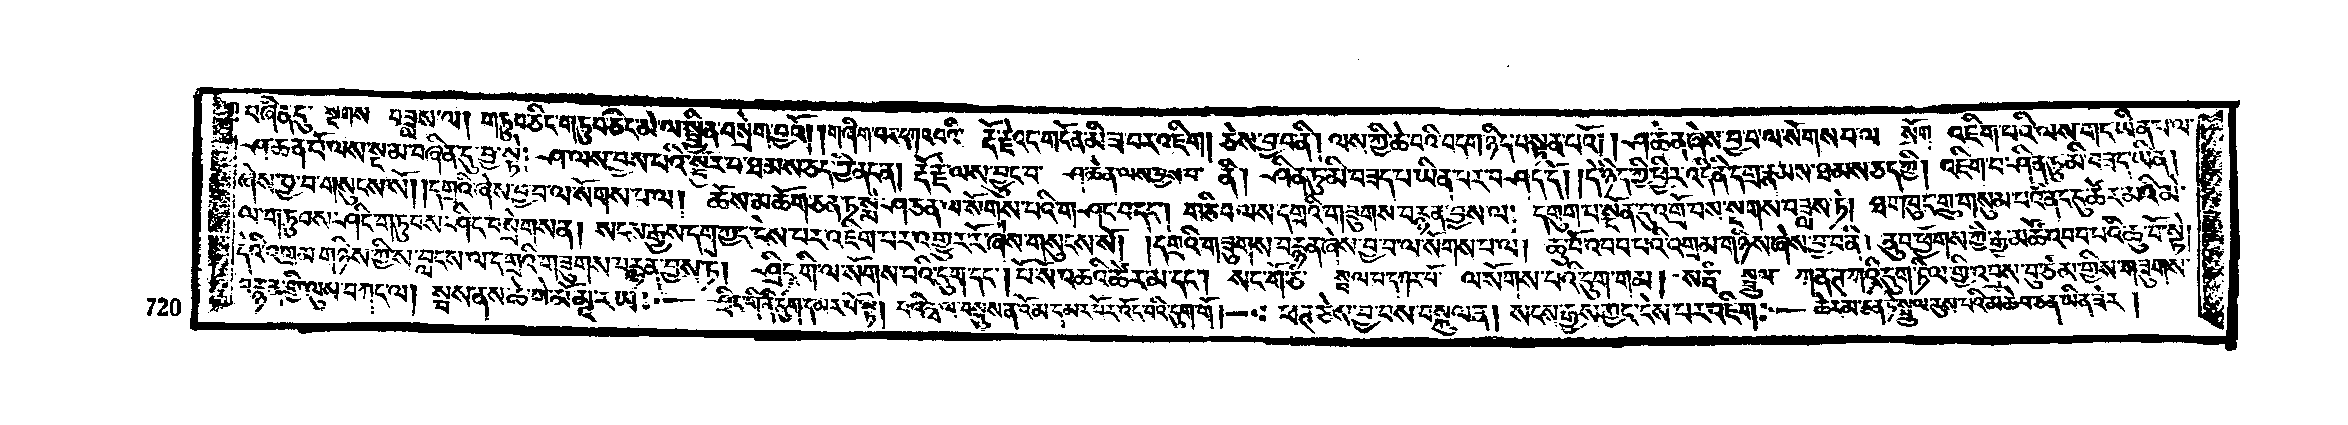བཞིན་དུ་སྔགས་བཟླས་ལ། གཏུབ་ཅིང་གཏུབ་ཅིང་མེ་ལ་སྦྱིན་བསྲེག་བྱའོ། །གཞིག་པར་དཀའ་བའི་རྡོ་རྗེའང་གདོན་མི་ཟ་བར་འཇིག །ཅེས་བྱ་བ་ནི། ལས་ཀྱི་ཆེ་བའི་བདག་ཉིད་བསྟན་པའོ། །ཤ་ཆེན་ཞེས་བྱ་བ་ལ་སོགས་པ་ལ། སྲོག་འཇིག་པའི་ལས་གང་ཡིན་པ་ལ་
ཤ་ཆེན་པོ་ལས་སྔ་མ་བཞིན་དུ་བྱ་སྟེ། ཤ་ལས་བྱས་པའི་སྦྱོར་བ་ཐམས་ཅད་ཀྱི་ནང་ན། རྡོ་རྗེ་ལས་བྱུང་བ་ཤ་ཆེན་ལས་བྱས་པ་ནི། ཤིན་ཏུ་མི་བཟད་པ་ཡིན་པར་བཤད་དོ། །དེ་ཉིད་ཀྱི་ཕྱིར་འདི་ནི་དགྲ་རྣམས་ཐམས་ཅད་ཀྱི། འཇིག་པ་ཤིན་ཏུ་མི་བཟད་ཡིན།
ཞེས་བྱ་བ་གསུངས་སོ། །དགྲའི་ཞེས་བྱ་བ་ལ་སོགས་པ་ལ། ཆོས་མཆོག་ཅན་ཏ་སྨེ་ཤ་ཅན་ལ་སོགས་པའི་གཤང་བ་དང་། གཅི་བ་ལས་དགྲའི་གཟུགས་བརྙན་བྱས་ལ། དགུག་པ་སྔོན་དུ་འགྲོ་བས་སྔགས་བཟླས་ཏེ། ཐབ་ཁུང་གྲུ་གསུམ་པའི་ནང་དུ་ཆེར་མའི་མེ་
ལ་གཏུབས་ཤིང་གཏུབས་ཤིང་བསྲེགས་ན། སངས་རྒྱས་དག་ཀྱང་ངེས་པར་འཇིག་པར་འགྱུར་རོ་ཞེས་གསུངས་སོ། །དགྲའི་གཟུགས་བརྙན་ཞེས་བྱ་བ་ལ་སོགས་པ་ལ། ཆུ་བོ་འབབ་པའི་འགྲམ་གཉིས་ཞེས་བྱ་བ་ནི། ནུབ་ཕྱོགས་ཀྱི་རྒྱ་མཚོ་འབབ་པའི་ཆུ་བོ་སྟེ།
དེའི་འགྲམ་གཉིས་ཀྱི་ས་བླངས་ལ་དགྲའི་གཟུགས་བརྙན་བྱས་ཏེ། ཤིང་གི་ལ་སོགས་པའི་དུག་དང་། པོ་སོ་འཆའི་ཚེར་མ་དང་། སང་གོ་ཙ་སྦལ་པ་དཀར་པོ་ལ་སོགས་པའི་དུག་གམ། སརབཾ་སྤྲུལ་ཀན་ཏ་ཀའི་དུག་ཏིལ་གྱི་འབྲས་བུ་ཙམ་གྱིས་གཟུགས་
བརྙན་གྱི་ལུས་བཀང་ལ། སྤས་ནས་ཆེ་གེ་མོ་མཱ་ར་ཡ་ཤྲིང་གི་ནི་དུག་དམར་པོ་སྟེ། བའི་རྭ་ལ་བསྐུས་ན་འོ་མ་དམར་པོར་འོང་བའི་དུག་གོ ། ཕཊ་ཅེས་བྱ་བས་བསྐུལ་ན། སངས་རྒྱས་ཀྱང་ངེས་པར་འཇིག་ཆེར་མ་ཅན་ཏེ་སྤྲུལ་རུས་པའི་མཆེ་བ་ཅན་ཡིན་ཟེར།